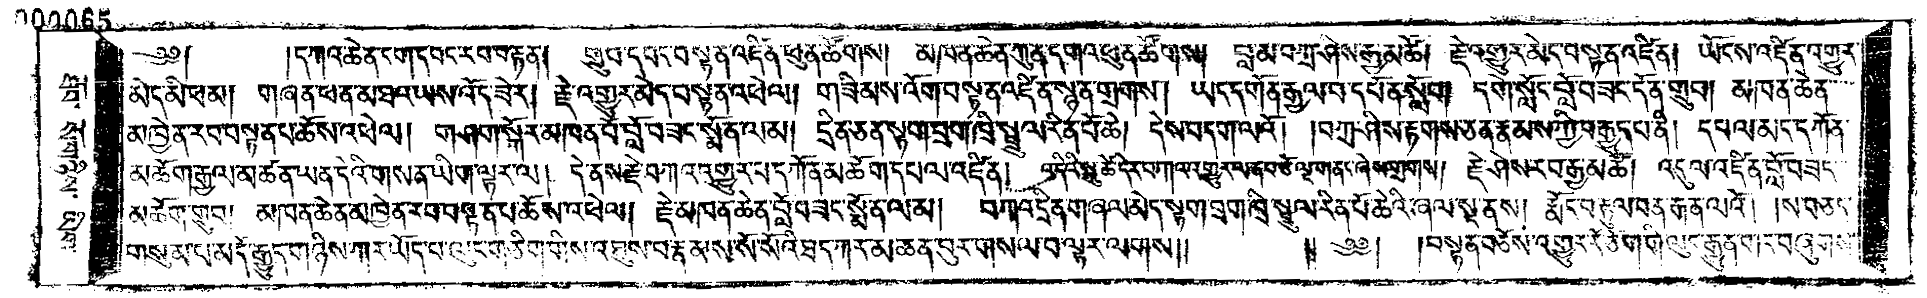༄༅། །དཀའ་ཆེན་ངག་དབང་རབ་བརྟན། གྲུབ་དབང་བསྟན་འཛིན་ཕུན་ཚོགས། མཁན་ཆེན་ཀུན་དགའ་ཕུན་ཚོགས། བླ་མ་བཀྲ་ཤིས་རྒྱ་མཚོ། རྗེ་འགྱུར་མེད་བསྟན་འཛིན། ཡོངས་འཛིན་འགྱུར་
མེད་མི་ཕམ། གཞན་ཕན་མཐའ་ཡས་འོད་ཟེར། རྗེ་འགྱུར་མེད་བསྟན་འཕེལ། གཟིམས་འོག་བསྟན་འཛིན་སྙན་གྲགས། ཡང་དགོན་རྒྱལ་བ་དཔོན་སློབ། དགེ་སློང་བློ་བཟང་དོན་གྲུབ། མཁན་ཆེན་
མཁྱེན་རབ་བསྟན་པ་ཆོས་འཕེལ། གཤག་སྐོར་མཁན་པོ་བློ་བཟང་སྨོན་ལམ། དྲིན་ཅན་སྟག་བྲག་ཁྲི་སྦྲུལ་རིན་པོ་ཆེ། དེས་བདག་ལའོ། །བཀྲ་ཤིས་རྟགས་ཅན་རྣམས་ཀྱི་བརྒྱུད་པ་ནི། དཔལ་མང་དཀོན་
མཆོག་རྒྱལ་མཚན་ཡན་དེའི་གསན་ཡིག་ལྟར་ལ། དེ་ནས་རྗེ་བཀའ་འགྱུར་པ་དཀོན་མཆོག་དཔལ་འཛིན་འདིའི་སྐུ་ཚེ་དེར་བཀའ་འགྱུར་ལན་བཅོ་ལྔ་གནང་ཞེས་གྲགས།  རྗེ་ཤེས་རབ་རྒྱ་མཚོ། འདུལ་འཛིན་བློ་བཟང་
མཆོག་གྲུབ། མཁན་ཆེན་མཁྱེན་རབ་བསྟན་པ་ཆོས་འཕེལ། རྗེ་མཁན་ཆེན་བློ་བཟང་སྨོན་ལམ། བཀའ་དྲིན་གཞལ་མེད་སྟག་བྲག་ཁྲི་སྤྲུལ་རིན་པོ་ཆེའི་ཞལ་སྔ་ནས། རྨོང་བ་རྟུལ་བན་རྒན་ལའོ། །ས་བཅད་
གསུམ་པ་མདོ་རྒྱུད་གཉིས་ཀར་ཡོད་པ་ལུང་གཅིག་གིས་འཐུས་པ་རྣམས་སོ་སོའི་ཐད་ཀར་མཆན་བུར་གསལ་བ་ལྟར་ལགས།། །། ༄༅། །བསྟན་བཅོས་འགྱུར་རོ་ཅོག་གི་ལུང་རྒྱུན་གང་བཞུགས་